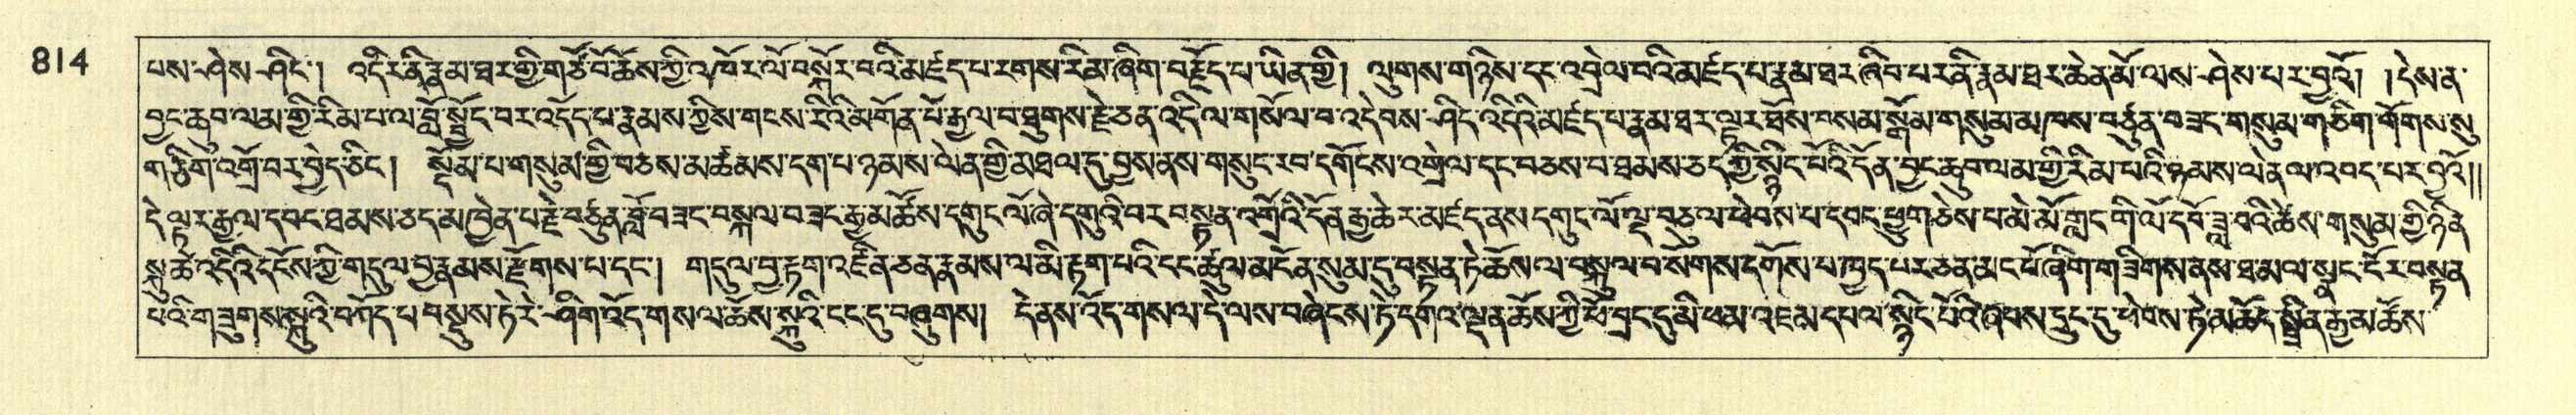པས་ཤེས་ཤིང་། འདིར་ནི་རྣམ་ཐར་གྱི་གཙོ་བོ་ཆོས་ཀྱི་འཁོར་ལོ་བསྐོར་བའི་མཛད་པ་རགས་རིམ་ཞིག་བརྗོད་པ་ཡིན་གྱི། ལུགས་གཉིས་དང་འབྲེལ་བའི་མཛད་པ་རྣམ་ཐར་ཞིབ་པར་ནི་རྣམ་ཐར་ཆེན་མོ་ལས་ཤེས་པར་བྱའོ། །དེས་ན་
བྱང་ཆུབ་ལམ་གྱི་རིམ་པ་ལ་བློ་སྦྱོང་བར་འདོད་པ་རྣམས་ཀྱིས་གངས་རིའི་མགོན་པོ་རྒྱལ་བ་ཐུགས་རྗེ་ཅན་འདི་ལ་གསོལ་བ་འདེབས་ཤིང་འདིའི་མཛད་པ་རྣམ་ཐར་ལྟར་ཐོས་བསམ་སྒོམ་གསུམ་མཁས་བཙུན་བཟང་གསུམ་གཅིག་གོགས་སུ་
གཅིག་འགྲོ་བར་བྱེད་ཅིང་། སྡོམ་པ་གསུམ་གྱི་བཅས་མཚམས་དག་པ་ཉམས་ལེན་གྱི་མཐལ་དུ་བྱས་ནས་གསུང་རབ་དགོངས་འགྲེལ་དང་བཅས་བ་ཐམས་ཅད་ཀྱི་སྙིང་པོའི་དོན་བྱང་ཆུབ་ལམ་གྱི་རིམ་པའི་ཉམས་ལེན་ལ་འབད་པར་བྱའོ།།
དེ་ལྟར་རྒྱལ་དབང་ཐམས་ཅད་མཁྱེན་པ་རྗེ་བཙུན་བློ་བཟང་བསྐལ་བཟང་རྒྱ་མཚོས་དགུང་ལོ་ཞེ་དགུའི་བར་བསྟན་འགྲོའི་དོན་རྒྱ་ཆེར་མཛད་ནས་དགུང་ལོ་ལྔ་བཅུ་ལ་ཕེབས་པ་དབང་ཕྱུག་ཅེས་པ་མེ་མོ་གླང་གི་ལོ་དབོ་ཟླ་བའི་ཚེས་གསུམ་གྱི་ཉིན་
སྐུ་ཚེ་འདིའི་དངོས་ཀྱི་གདུལ་བྱ་རྣམས་རྫོགས་པ་དང་། གདུལ་བྱ་རྟག་འཛིན་ཅན་རྣམས་ལ་མི་རྟག་པའི་ངང་ཚུལ་མངོན་སུམ་དུ་བསྟན་ཏེ་ཆོས་ལ་བསྐུལ་བ་སོགས་དགོས་པ་ཁྱད་པར་ཅན་མང་པོ་ཞིག་གཟིགས་ནས་ཐ་མལ་སྣང་ངོར་བསྟན་
པའི་གཟུགས་སྐུའི་བཀོད་པ་བསྡུས་ཏེ་རེ་ཤིག་འོད་གསལ་ཆོས་སྐུའི་ངང་དུ་བཞུགས། དེ་ནས་འོད་གསལ་དེ་ལས་བཞེངས་ཏེ་དགའ་ལྡན་ཆོས་ཀྱི་ཕོ་བྲང་དུ་མི་ཕམ་འཇམ་དཔལ་སྙིང་པོའི་ཞབས་དྲུང་དུ་ཕེབས་ཏེ་མཆོད་སྤྲིན་རྒྱ་མཚོས་